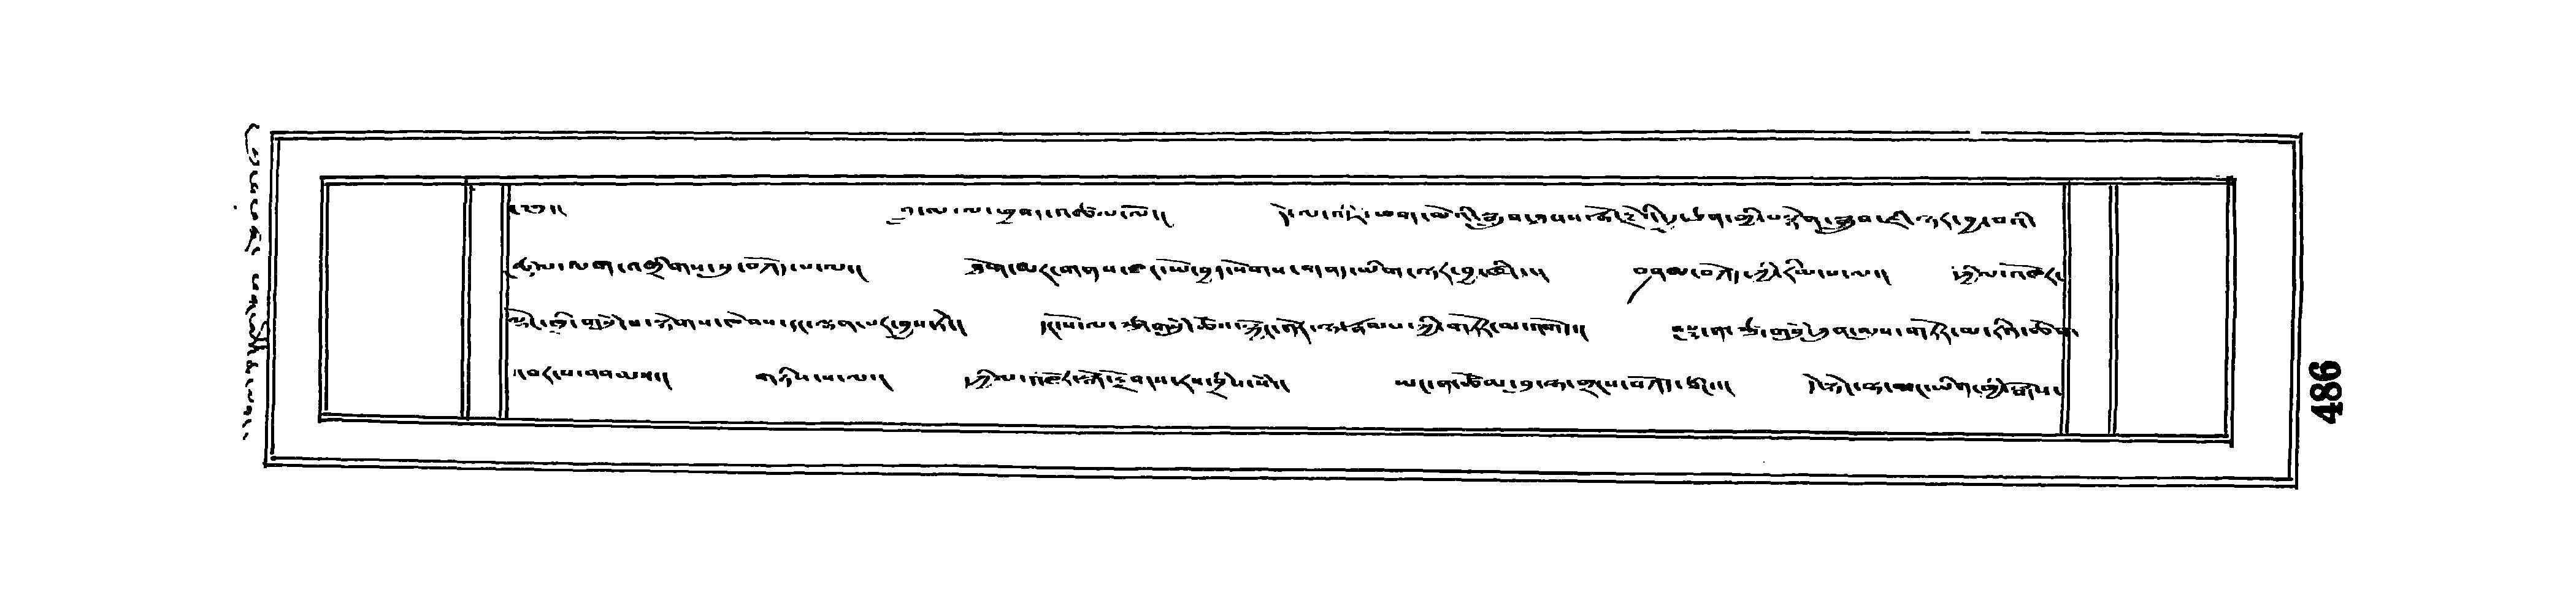བླ་མ་ལ་ཕྱག་འཚལ་ལོ། དེ་ལ་འདིར་ཕག་མོའི་སྒྲུབ་ཐབས་རྡོ་རྗེའི་རྒྱ་ཅན་གྱི་བསྙེན་སྒྲུབ་ཇི་ལྟར་བྱ་བའི་
ཚུལ་ལས་འགྲིགས་སུ་བཀོད་པ་ལ། ཐོག་མར་གནས་ཁང་ཡོ་བྱད་སོགས་གནད་ཡིག་ལྟར་བྱ་ཆེན། བཤམ་བཀོད་ཀྱི་རིམ་པ་ལ། དཀྱིལ་འཁོར་
ལྡིང་ཁྲི་གསུམ་པ་སྟེགས་ཁེབས་དང་ལྡན་པར་བྱས་ཏེ། དང་པོ་ལ་རྩ་གསུམ་ཆོས་སྐྱོང་ནོར་ལྷ་རྣམས་ཀྱི་གཏོར་མ་འགོད། བསྡུ་ན་རྩ་གསུམ་ཀུན་འདུས་གཏོར་མ་རིན་ཆེན་
འབར་བ་བཤམས། གཉིས་པ་ལ། དཀྱིལ་འཁོར་སྒོ་རྫོགས་རས་བྲིས་སམ། ཡང་ན་ཚོམ་བུ་ལྷ་གྲངས་བཀོད་ཅིང་། དེ་སྟེང་ལྷ་གང་ཡིན་གྱི་སྒོས་